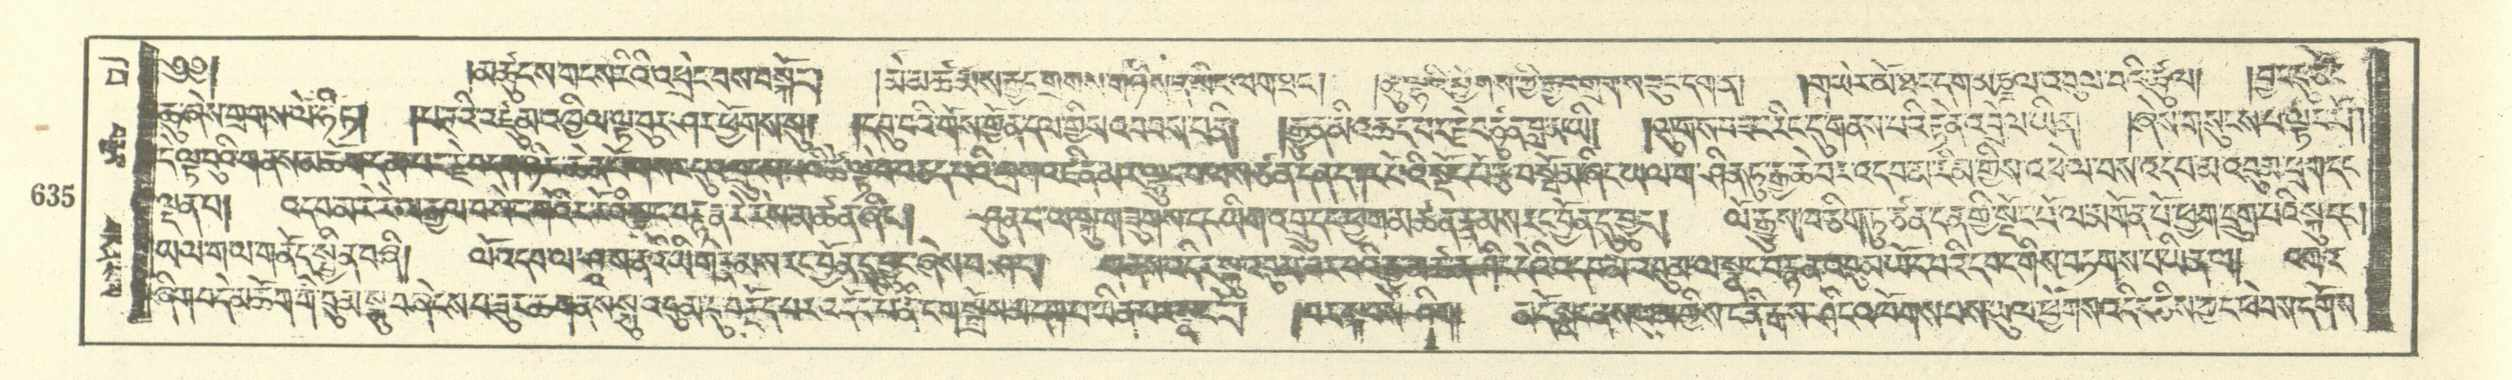༄༅། །མཚུངས་གངས་རིའི་འཕྲེང་བས་བསྐོར། །མེ་མཚམས་རྒྱང་གྲགས་གཉིས་ན་སིང་ལག་ཐང་། །ཆུ་ལྷའི་ཕྱོགས་ཀྱི་རྒྱང་གྲགས་ཟུང་དག་ན། །གཡེར་མོ་ཐང་དག་མཎྜལ་འབུལ་བའི་ཚུལ། །བྱང་དུ་ཙོང་
ཆུ་ཞེས་གྲགས་ལོ་ཧི་ཏ། །པཊའི་འཛུམ་འཁྱིལ་ལྟ་བུར་ཤར་ཕྱོགས་སུ། །དབུ་བའི་གོས་གྱོན་དལ་གྱིས་འབབས་པ་ནི། །རྒྱུན་མི་འཆད་པར་རྗེ་བཙུན་བླ་མ་ཡི། །ལུགས་བཟང་རིང་དུ་གནས་པའི་རྟེན་འབྲེལ་ཡིན། །ཞེས་གསུངས་པ་ལྟར་རོ།།
དེ་ལྟ་བུའི་གནས་མཆོག་དམ་པར་རྗེ་བདག་ཉིད་ཆེན་པོ་གསར་དུ་འཁྲུངས་པའི་ཚེ་ལྟེ་བ་བཅད་པའི་ཁྲག་འཛིན་མར་ལྷུང་བ་ལས་ཙན་དན་དཀར་པོའི་སྡོང་པོ་རྩ་བ་སྦོམ་ཞིང་ཡལ་ག་ཤིན་ཏུ་རྒྱ་ཆེ་བར་འདབ་མ་རིམ་གྱིས་འཕེལ་བས་འདབ་མ་འབུམ་ཕྲག་དང་
ལྡན་པ། འདབ་མ་རེ་རེ་ལ་རྒྱལ་བ་སེང་གེའི་ང་རོའི་སྣང་བརྙན་རེ་རེས་མཚན་ཞིང་། ཤུན་པ་ལ་སྐུ་གཟུགས་དང་ཡིག་འབྲུ་དང་ཕྱག་མཚན་རྣམས་རང་བྱོན་དུ་བྱུང་། ལོ་རྒྱུས་ཁ་ཅིག་ཏུ་ཙན་དན་གྱི་སྡོང་པོ་ལ་མགོན་པོ་ཕྱག་དྲུག་པའི་སྐུ་དང་།
ཡལ་ག་ལ་གནོད་སྦྱིན་བཞི། ལོ་འདབ་ལ་ཤཱ་ས་ནའི་ཡི་གེ་རྣམས་རང་བྱོན་དུ་བྱུང་ཞེས་བཤད། གནས་འདིར་སྐུ་འབུམ་ཟེར་བའི་རྒྱུ་མཚན་ཤིང་དེའི་འདབ་མ་འབུམ་ལ་སྣང་བརྙན་འབུམ་ཡོད་པའི་དབང་གིས་བཏགས་པ་ཡིན་ལ། འགའ་
ཞིག་བདེ་མཆོག་གི་བུམ་སྐུ་བཞེངས་པ་ཟུང་ཆ་གནས་སྐུ་འབུམ་དུ་བརྗོད་པར་འདོད་པ་ནི་ངག་སྒྲོས་མ་དག་པ་ཡིན་པར་སྣང་ངོ། །བར་སྐབས་ཤིག། མདོ་སྨད་ནས་ཡུམ་གྱིས་ང་ནི་རྒས་ཤིང་འཁོགས་པས་ཡུལ་ཕྱོགས་འདིར་ཅིས་ཀྱང་ཕེབས་དགོས་